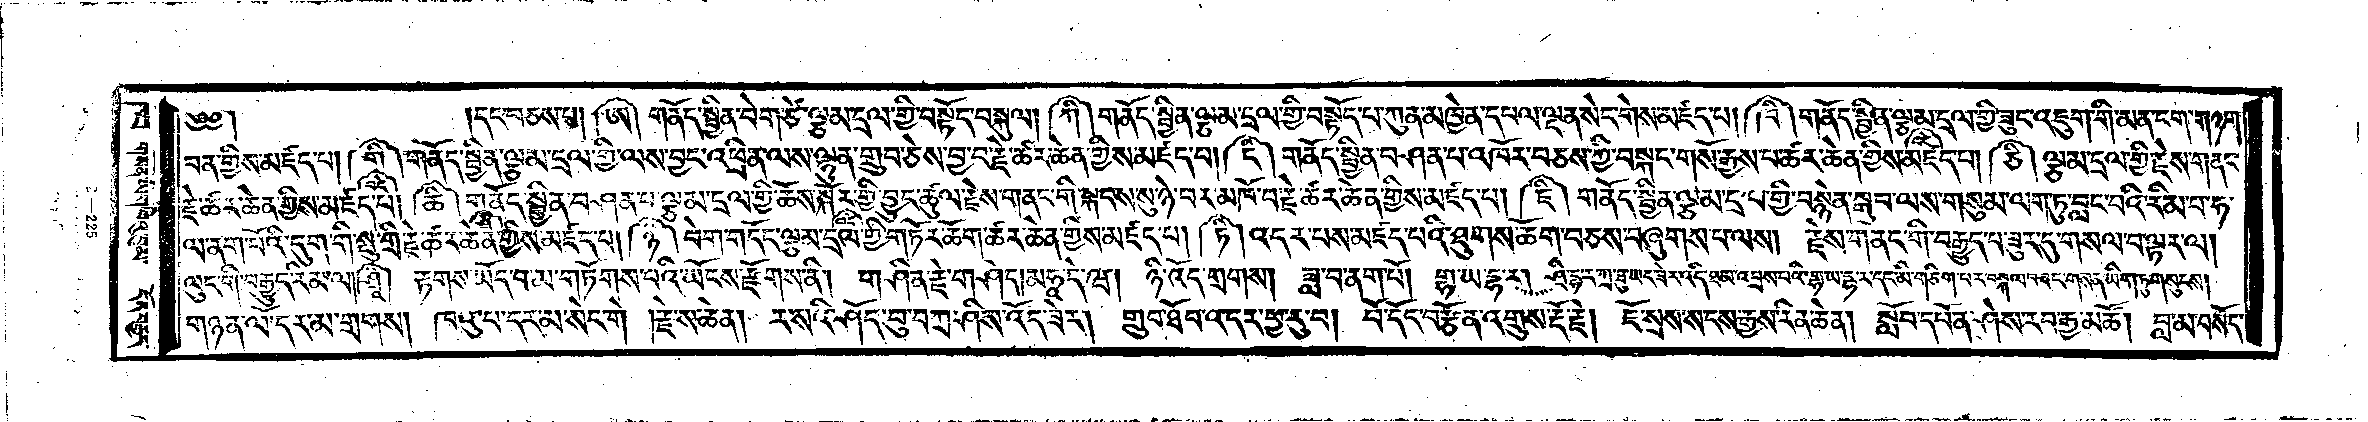༄༅། །དང་བཅས་པ། ༼ཨ༽ གནོད་སྦྱིན་བེག་ཙེ་ལྕམ་དྲལ་གྱི་བསྟོད་བསྐུལ། ༼ཀི༽ གནོད་སྦྱིན་ལྕམ་དྲལ་གྱི་བསྟོད་པ་ཀུན་མཁྱེན་དཔལ་ལྡན་སེང་གེས་མཛད་པ། ༼ཁི༽ གནོད་སྦྱིན་ལྕམ་དྲལ་གྱི་ཟུང་འཇུག་གི་མན་ངག་གཉག་
བན་གྱིས་མཛད་པ། ༼གི༽ གནོད་སྦྱིན་ལྕམ་དྲལ་གྱི་ལས་བྱང་འཕྲིན་ལས་ལྷུན་གྲུབ་ཅེས་བྱ་བ་རྗེ་ཚར་ཆེན་གྱིས་མཛད་པ། ༼ངི༽ གནོད་སྦྱིན་བཤན་པ་འཁོར་བཅས་ཀྱི་བསྐང་གསོ་རྒྱས་པ་ཚར་ཆེན་གྱིས་མཛད་པ། ༼ཅི༽ ལྕམ་དྲལ་གྱི་རྗེས་གནང་
རྗེ་ཚར་ཆེན་གྱིས་མཛད་པ། ༼ཆི༽ གནོད་སྦྱིན་བཤན་པ་ལྕམ་དྲལ་གྱི་ཆོས་སྐོར་གྱི་བྱུང་ཚུལ་རྗེས་གནང་གི་སྐབས་སུ་ཉེ་བར་མཁོ་བ་རྗེ་ཚར་ཆེན་གྱིས་མཛད་པ། ༼ཇི༽ གནོད་སྦྱིན་ལྕམ་དྲལ་གྱི་བསྙེན་སྒྲུབ་ལས་གསུམ་ལག་ཏུ་བླང་བའི་རིམ་བ་ཧ་
ལ་ནག་པོའི་དུག་གི་སྤུ་གྲི་རྗེ་ཚར་ཆེན་གྱིས་མཛད་པ། ༼ཉི༽ བེག་གདོང་ལྕམ་དྲལ་གྱི་གཏོར་ཆོག་ཚར་ཆེན་གྱིས་མཛད་པ། ༼ཏི༽ འདར་པས་མཛད་པའི་ཐུགས་ཆོག་བཅས་བཞུགས་པ་ལས། རྗེས་གནང་གི་བརྒྱུད་པ་ཟུར་དུ་གསལ་བ་ལྟར་ལ།
ལུང་གི་བརྒྱུད་རིམ་ལ། ༼ཤྲཱི༽ རྟགས་ཡོད་བ་མ་གཏོགས་པའི་ཡོངས་རྫོགས་ནི། གཤིན་རྗེ་གཤེད། མཧཱ་དེ་ཝ།། ཉི་འོད་གྲགས། ཟླ་བ་ནག་པོ། གྷ་ཡ་དྷ་ར་ཤྲི་དྷར་ཀྲ་ཐུ་ཡང་ཟེར་འདི་ཐམ་འབྲས་བའི་གྷ་ཡ་དྷར་དང་མི་གཅིག་པར་བསྐལ་བཟང་གཞན་ཡིག་ཏུ་གསུངས།
གཉན་ལོ་དར་མ་གྲགས། ཁཱུ་པ་དར་མ་སེང་གེ །རྗེ་ས་ཆེན། ར་སའི་ཤོད་བུ་བཀྲ་ཤིས་འོད་ཟེར། གྲུབ་ཐོབ་འདར་ཕྱ་རུ་བ། བོ་དོང་བརྩོན་འགྲུས་རྡོ་རྗེ། ཇོ་སྲས་སངས་རྒྱས་རིན་ཆེན། སློབ་དཔོན་ཤེས་རབ་རྒྱ་མཚོ། བླ་མ་བསོད་